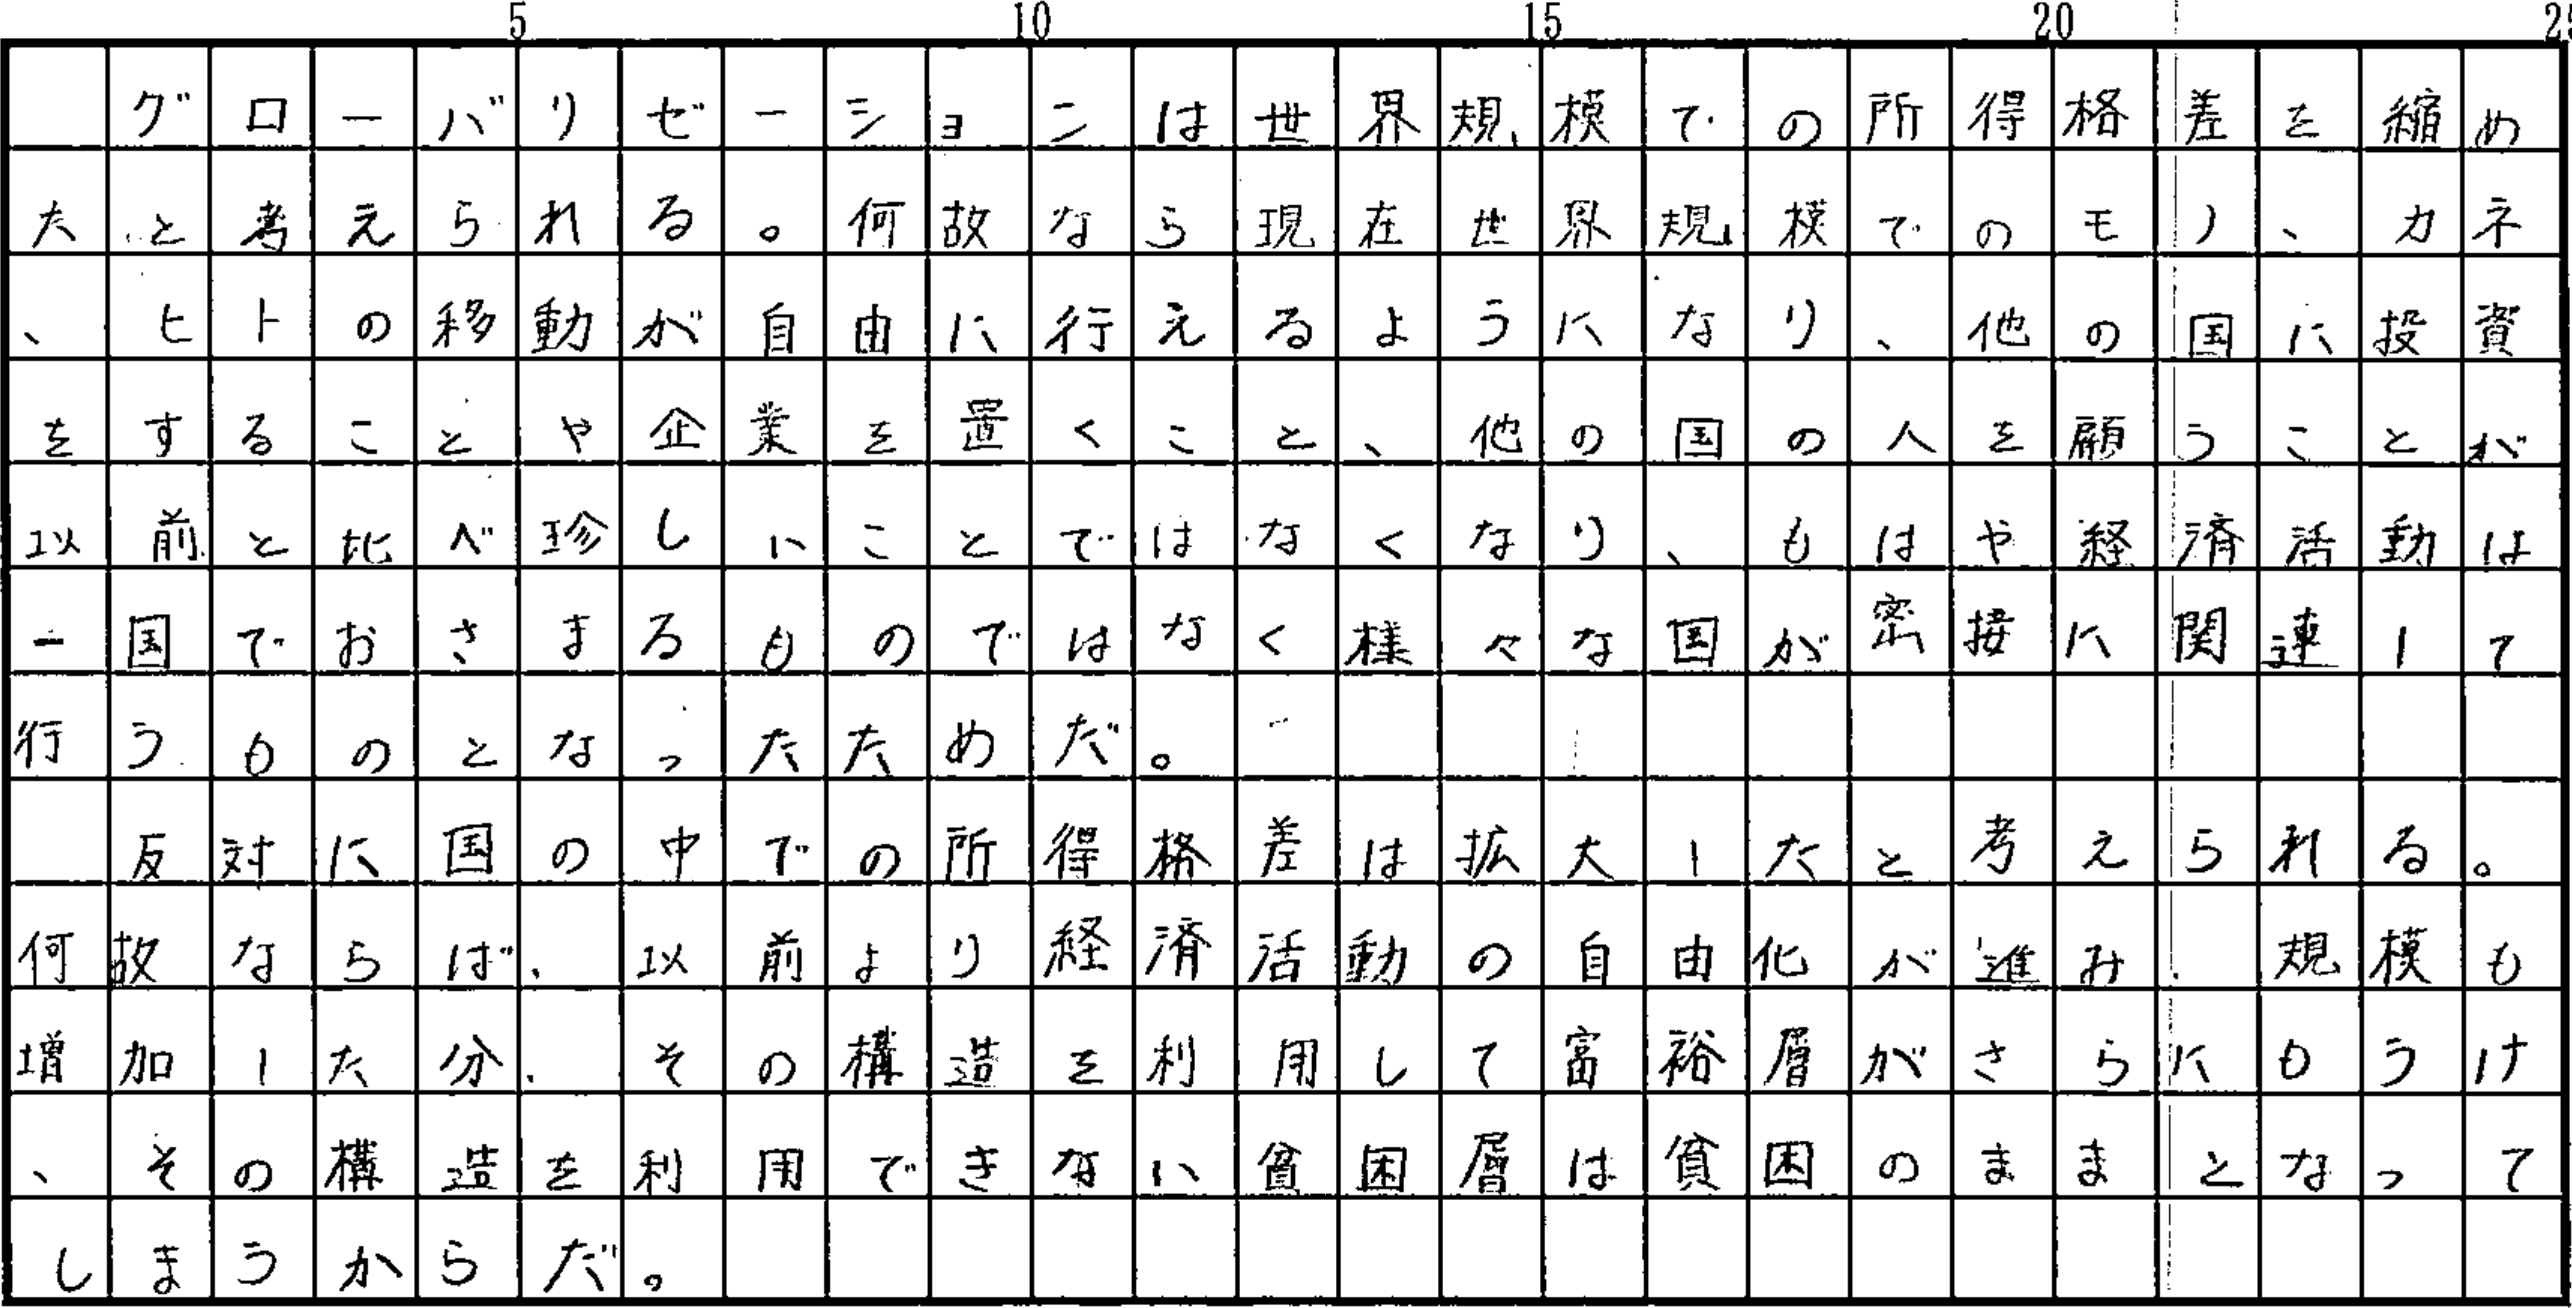　グローバリゼーションは世界規模での所得格差を縮めたと考えられる。何故なら現在世界規模でのモノ、カネ、ヒトの移動が自由に行えるようになり、他の国に投資をすることや企業を置くこと、他の国の人を顧うことが以前と比べ珍しいことではなくなり、もはや経済活動は一国でおさまるものではなく様々な国が密接に関連して行うものとなったためだ。
　反対に国の中での所得格差は拡大したと考えられる。何故ならば、以前より経済活動の自由化が進み、規模も増加した分、その構造を利用して富裕層がさらにもうけ、その構造を利用できない貧困層は貧困のままとなってしまうからだ。
